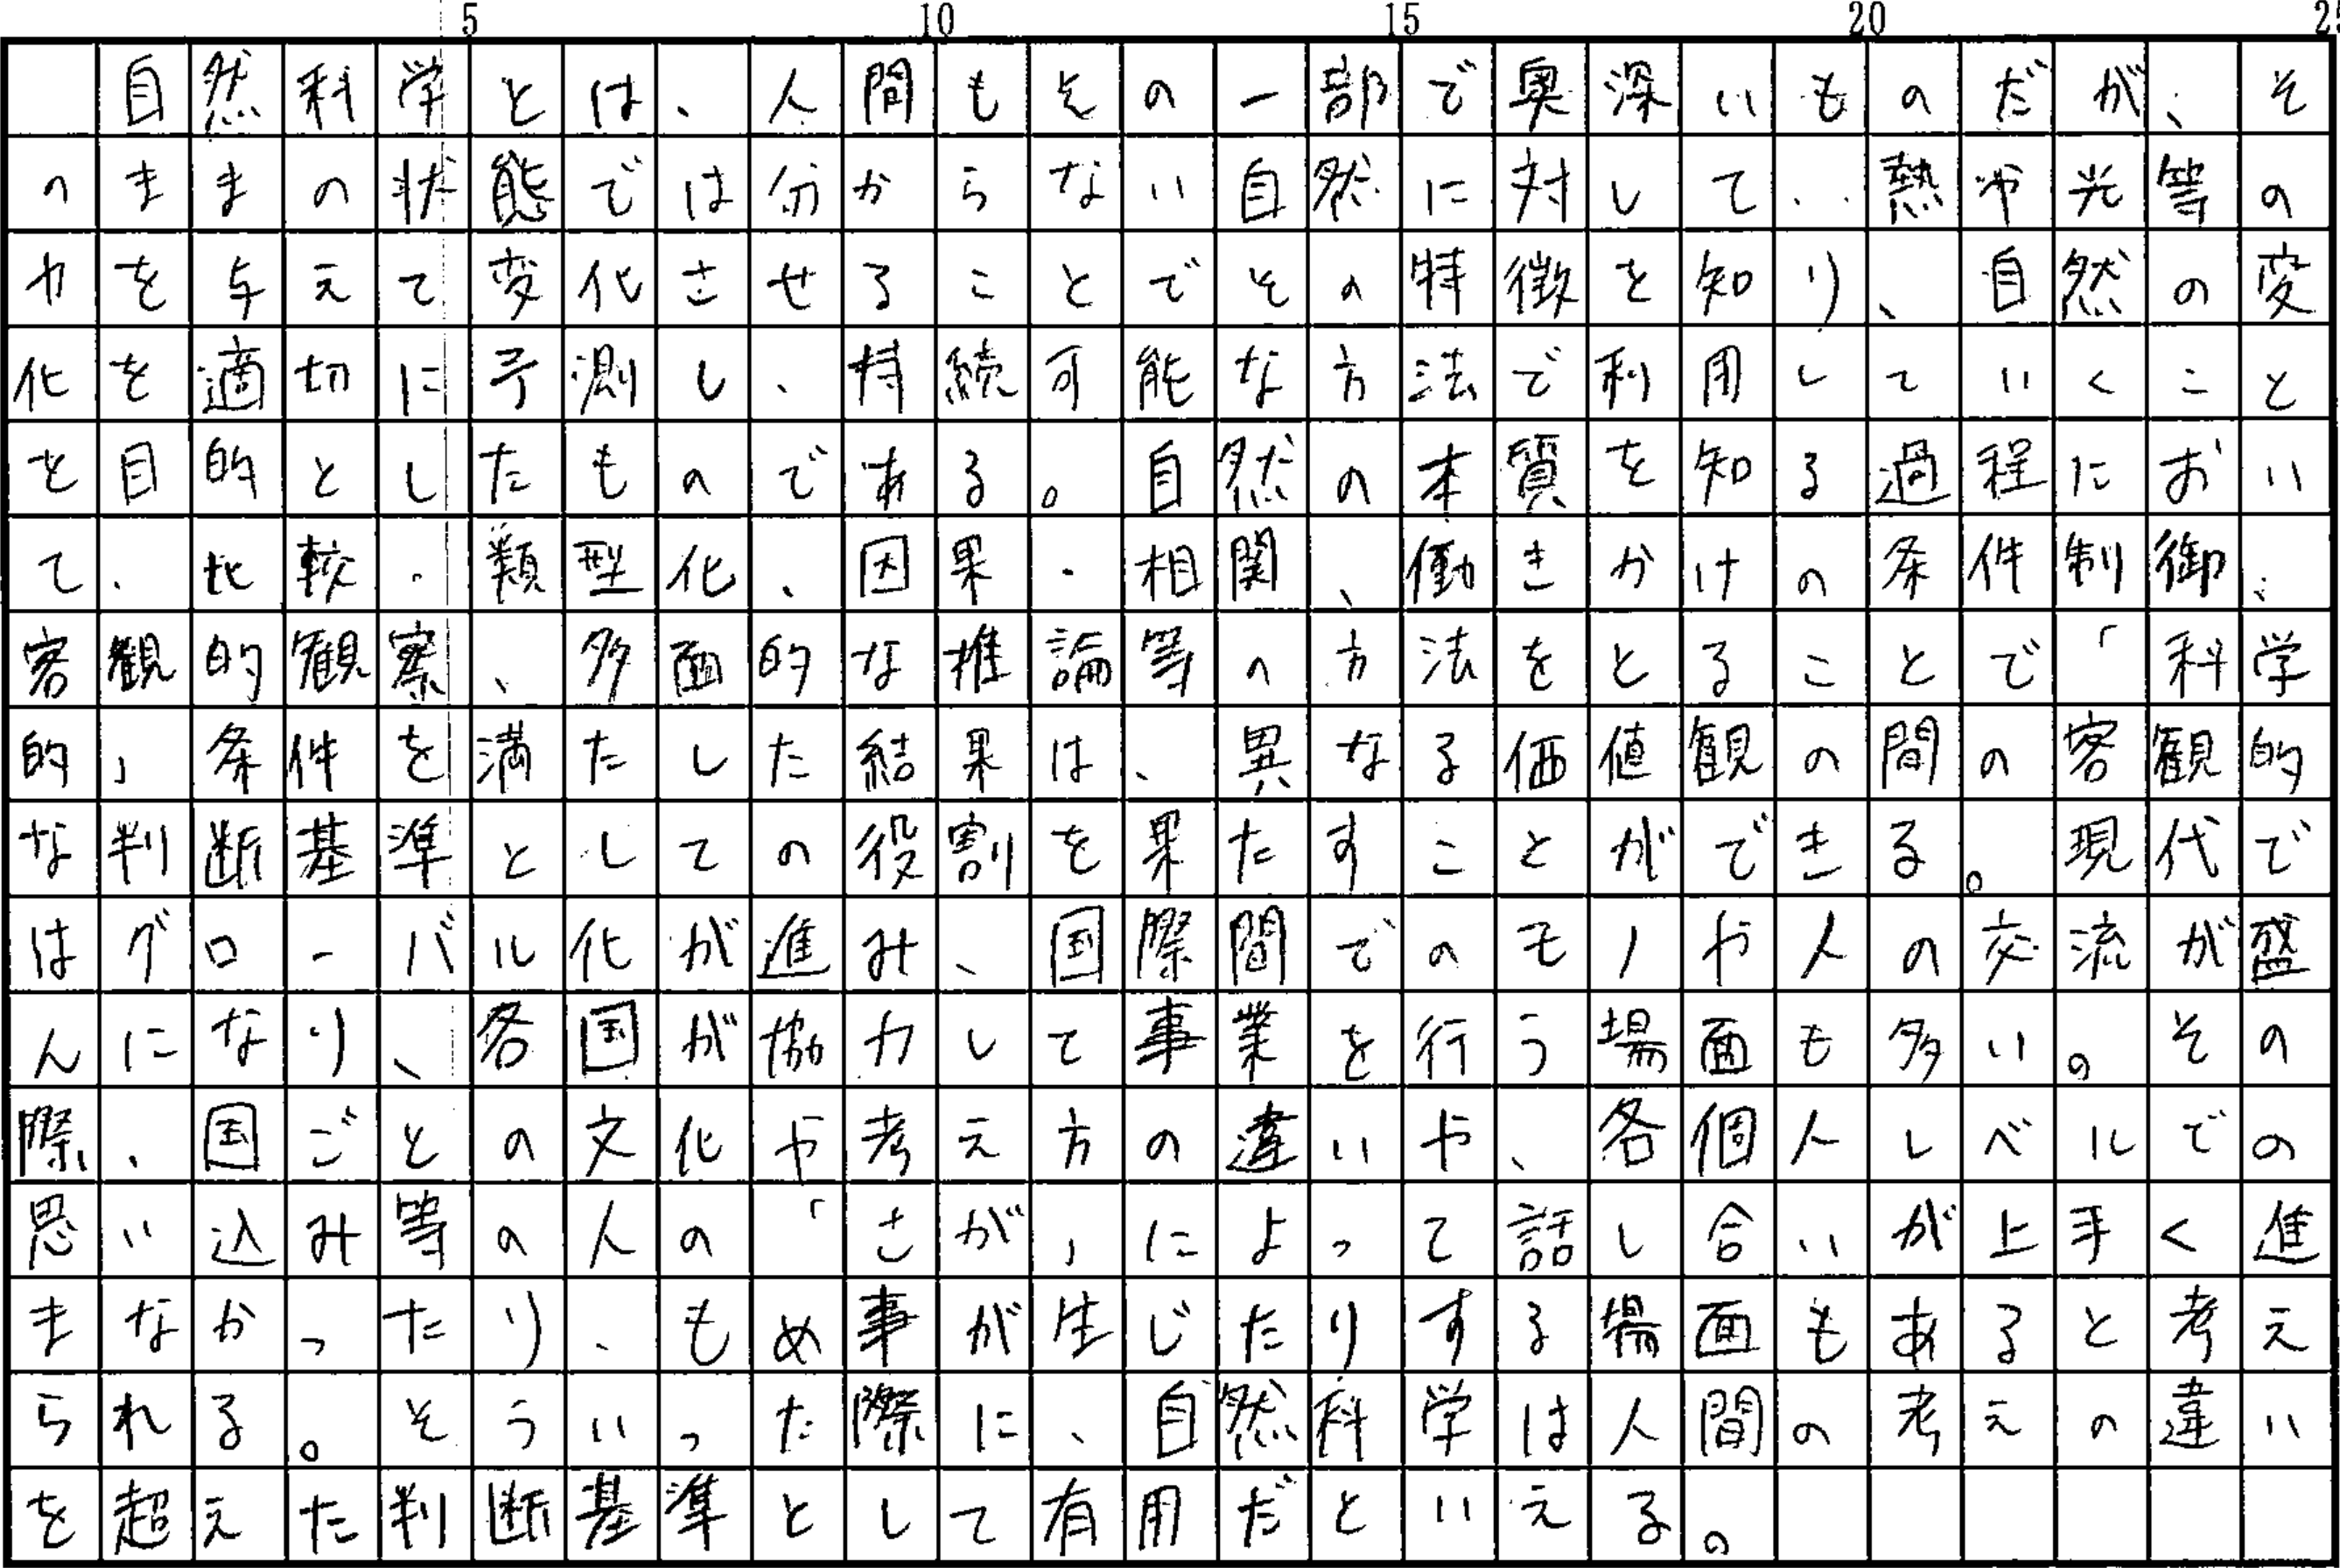　自然科学とは、人間もその一部で奥深いものだが、そのままの状態では分からない自然に対して、熱や光等の力を与えて変化させることでその特徴を知り、自然の変化を適切に予測し、持続可能な方法で利用していくことを目的としたものである。自然の本質を知る過程において、比較・類型化、因果・相関、働きかけの条件制御、客観的観察、多面的な推論等の方法をとることで「科学的」条件を満たした結果は、異なる価値観の間の客観的な判断基準としての役割を果たすことができる。現代ではグローバル化が進み、国際間でのモノや人の交流が盛んになり、各国が協力して事業を行う場面も多い。その際、国ごとの文化や考え方の違いや、各個人レベルでの思い込み等の人の「さが」によって話し合いが上手く進まなかったり、もめ事が生じたりする場面もあると考えられる。そういった際に、自然科学は人間の考えの違いを超えた判断基準として有用だといえる。
